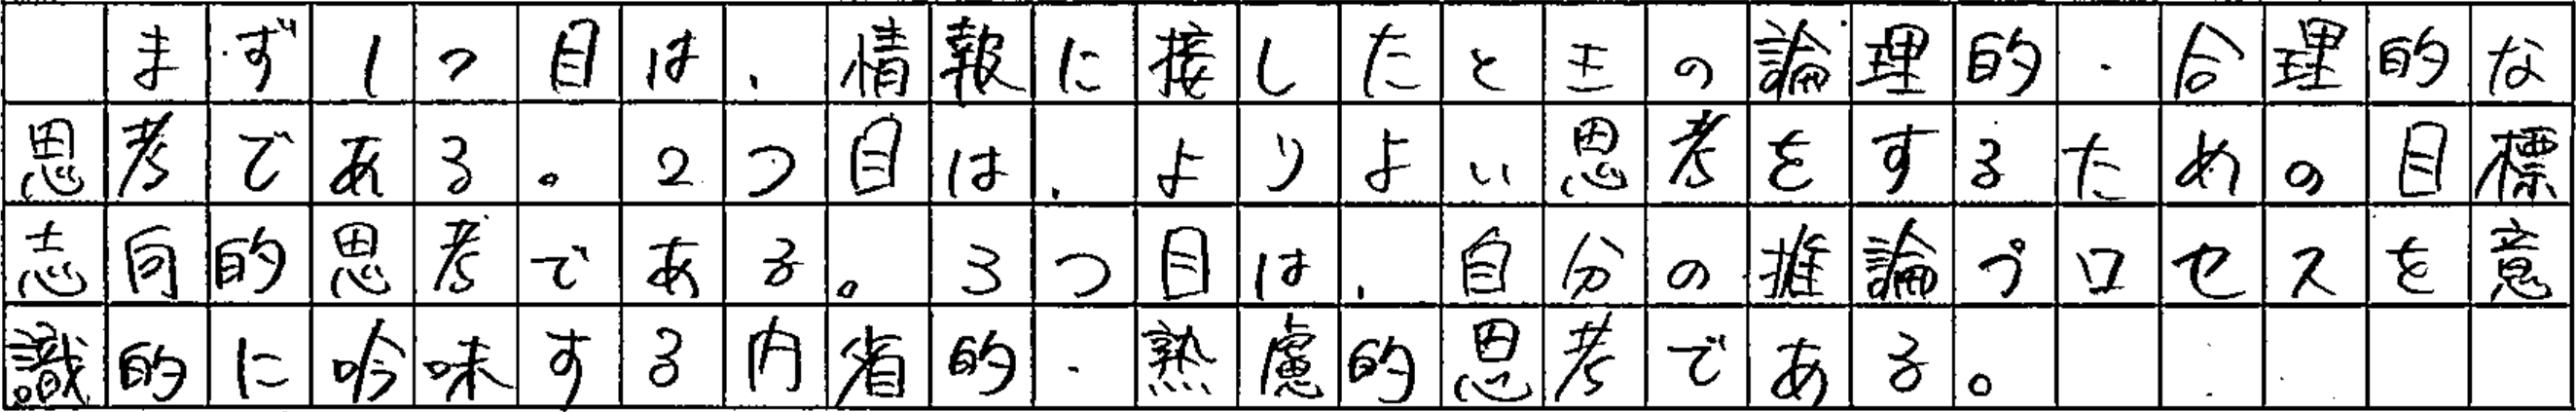　まず１つ目は、情報に接したときの論理的・合理的な思考である。２つ目は、よりよい思考をするための目標志向的思考である。３つ目は、自分の推論プロセスを意識的に吟味する内省的・熟慮的思考である。
